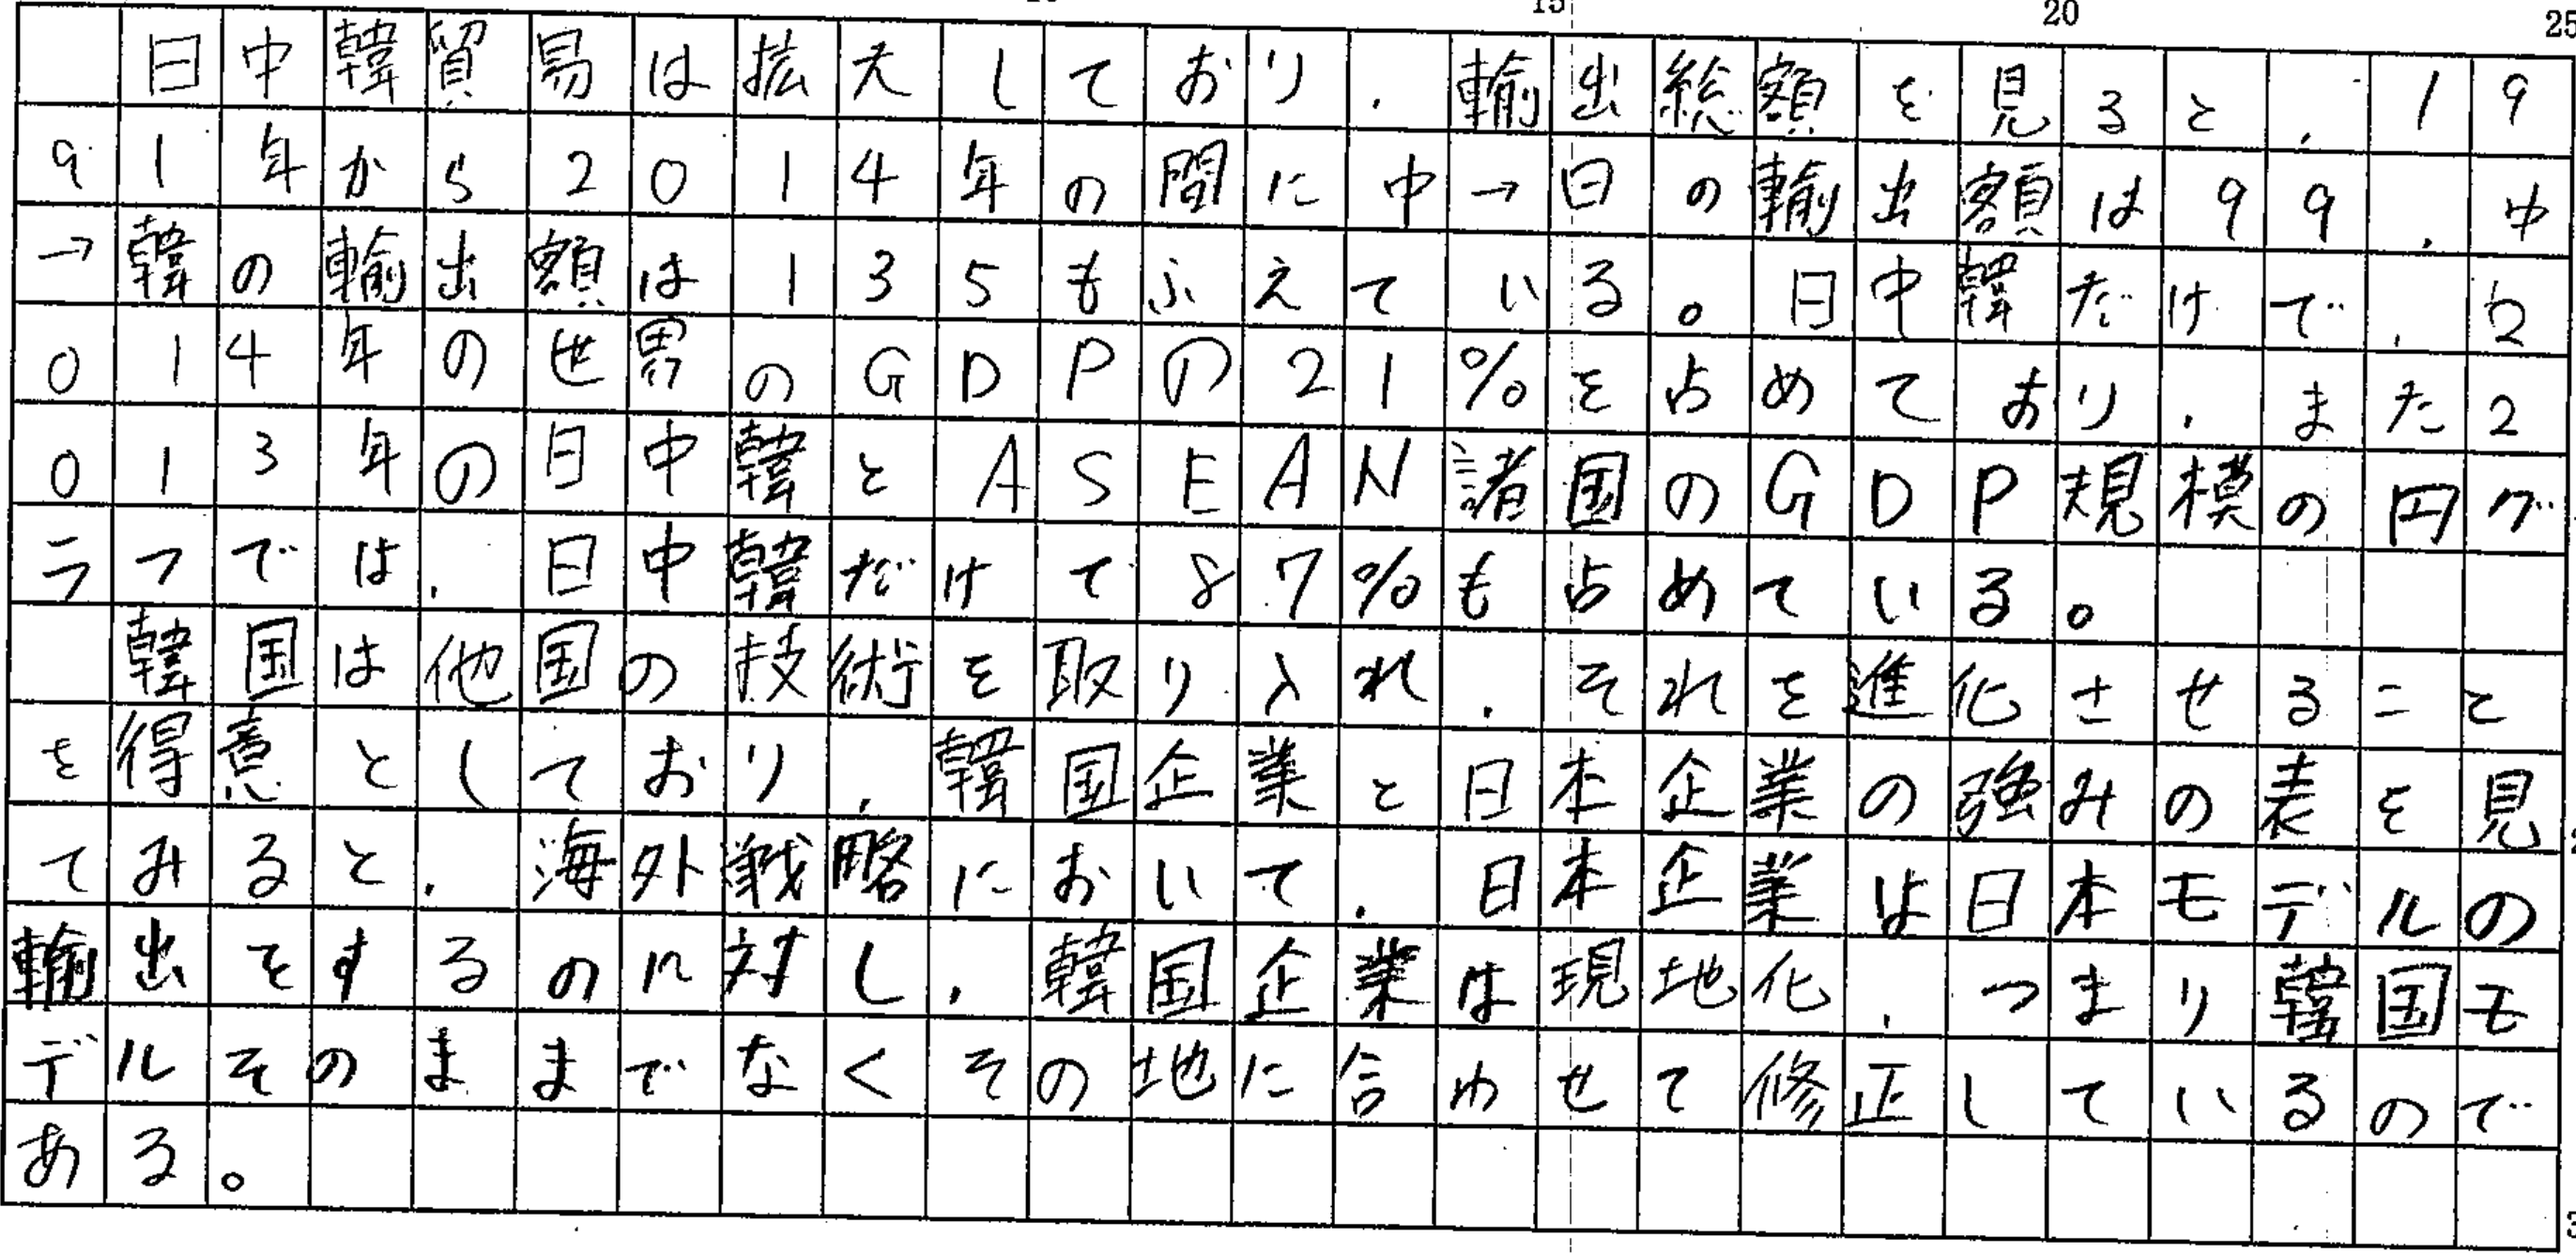　日中韓貿易は拡大しており、輸出総額を見ると、１９９１年から２０１４年の間に中→日の輸出額は９９、中→韓の輸出額は１３５もふえている。日中韓だけで、２０１４年の世界のＧＤＰの２１％を占めており、また２０１３年の日中韓とＡＳＥＡＮ諸国のＧＤＰ規模の円グラフでは、日中韓だけで８７％も占めている。
　韓国は他国の技術を取り入れ、それを進化させることを得意としており、韓国企業と日本企業の強みの表を見てみると、海外戦略において、日本企業は日本モデルの輸出をするのに対し、韓国企業は現地化、つまり韓国モデルそのままでなくその地に合わせて修正しているのである。
